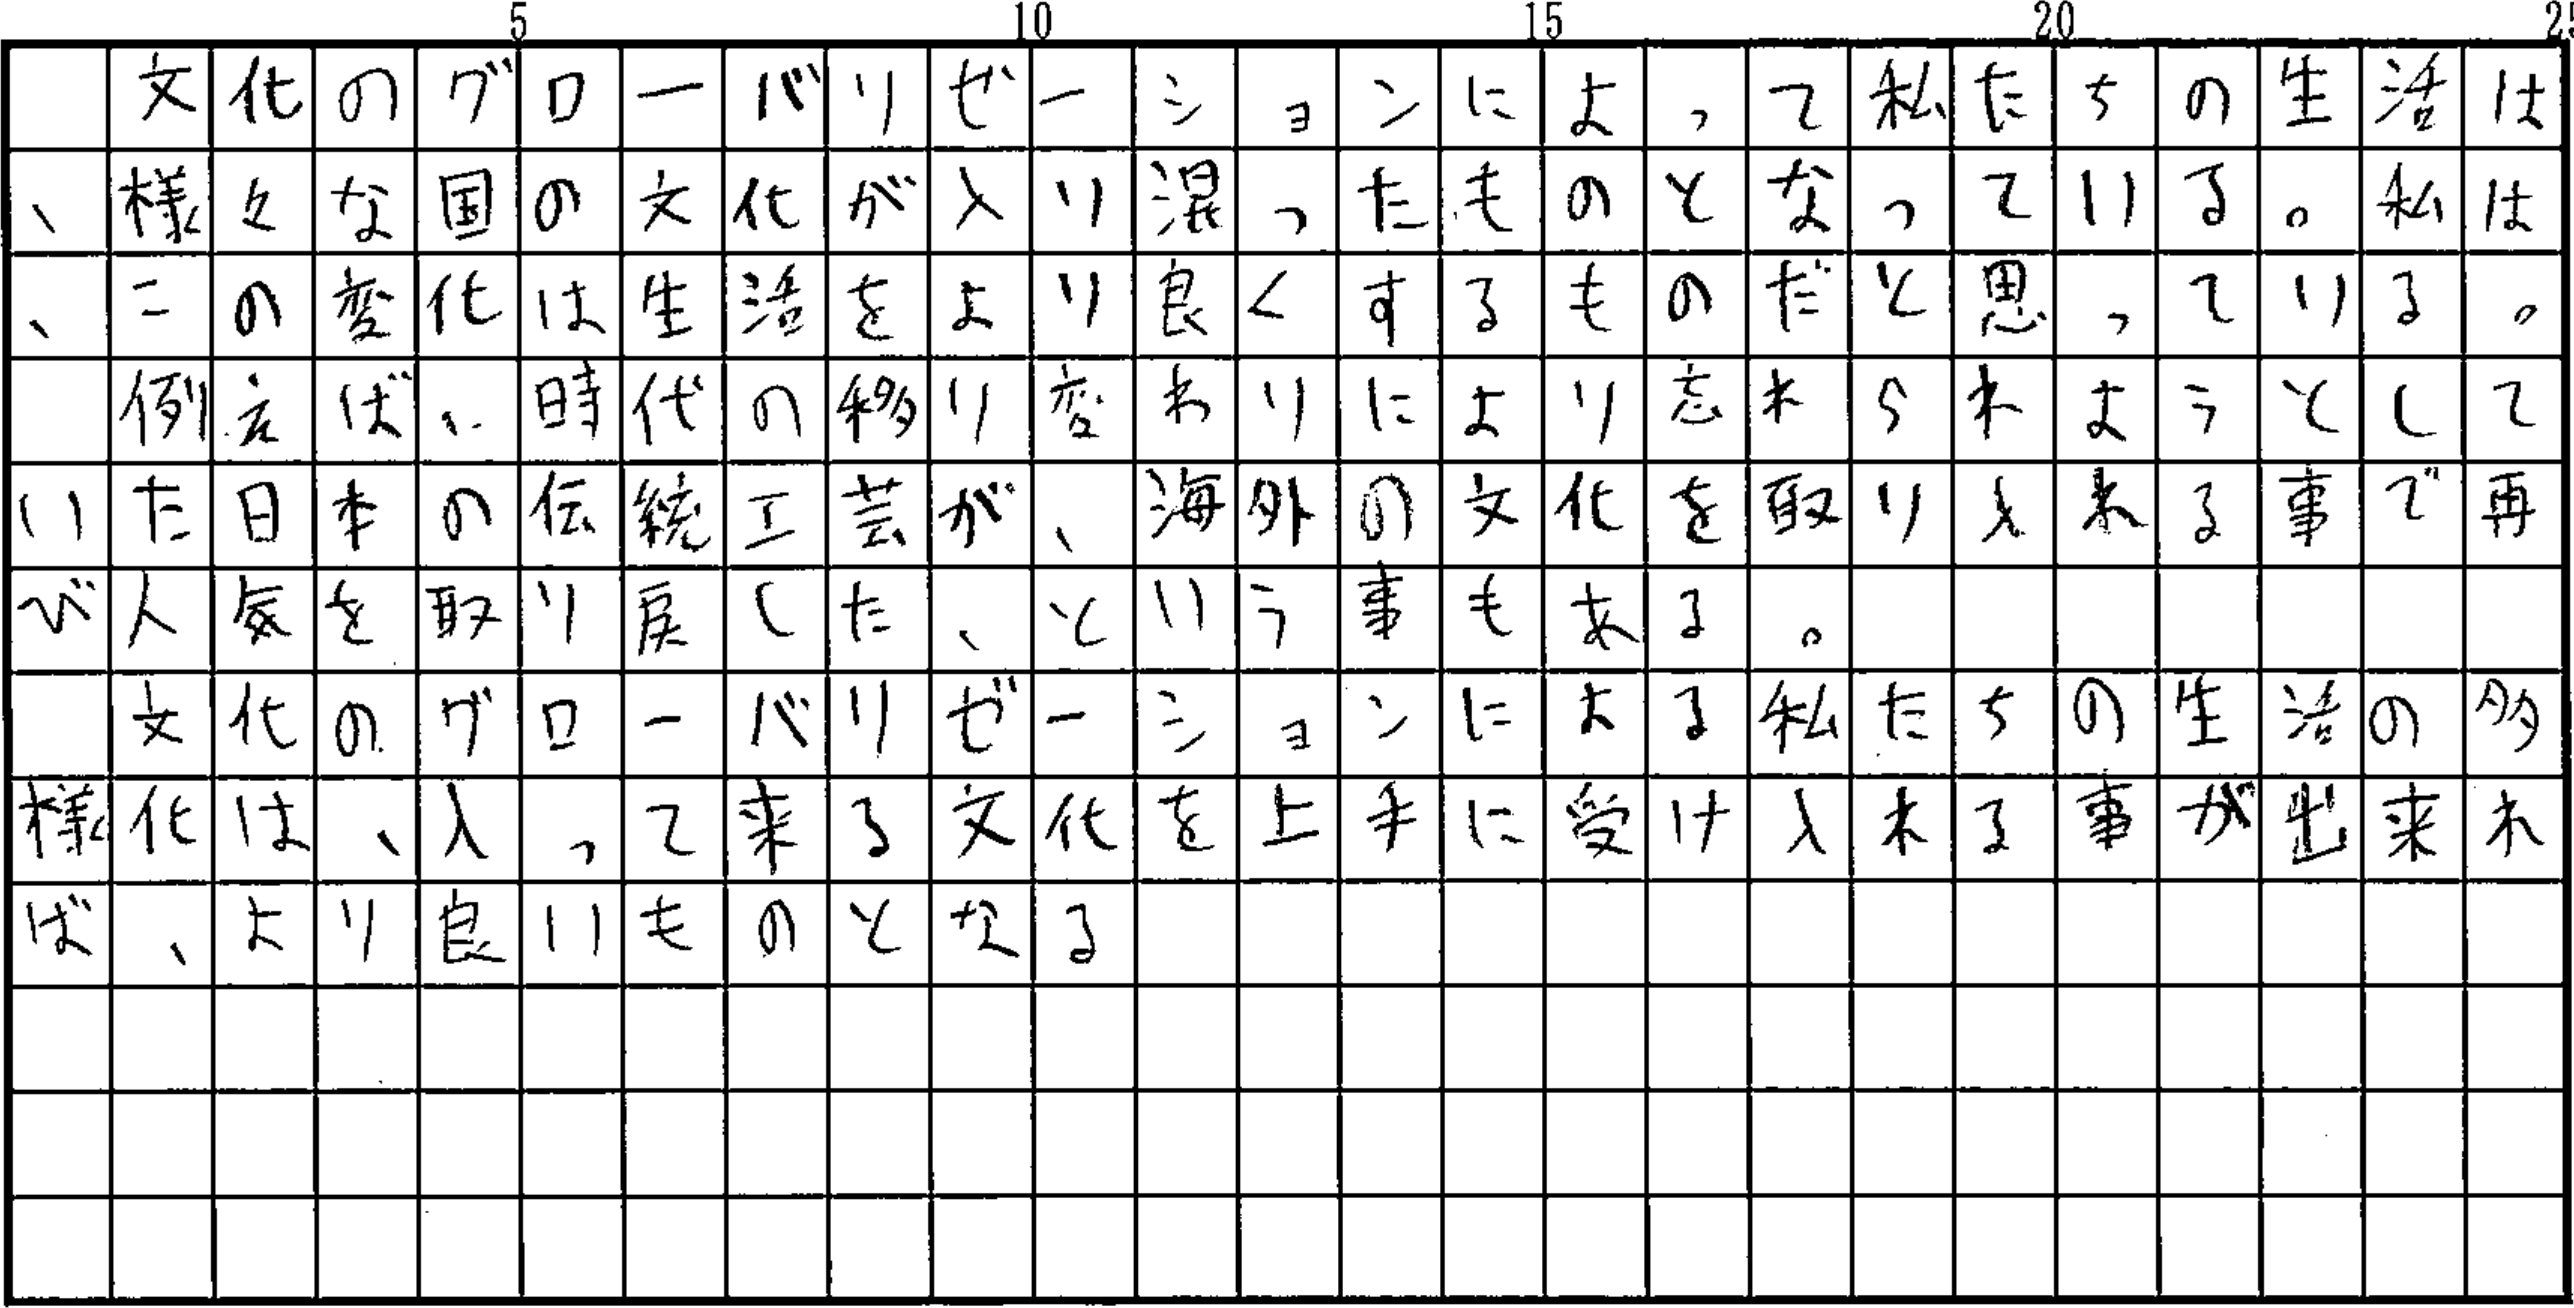　文化のグローバリゼーションによって私たちの生活は、様々な国の文化が入り混ったものとなっている。私は、この変化は生活をより良くするものだと思っている。
　例えば、時代の移り変わりにより忘れられようとしていた日本の伝統工芸が、海外の文化を取り入れる事で再び人気を取り戻した、という事もある。
　文化のグローバリゼーションによる私たちの生活の多様化は、入って来る文化を上手に受け入れる事が出来れば、より良いものとなる
